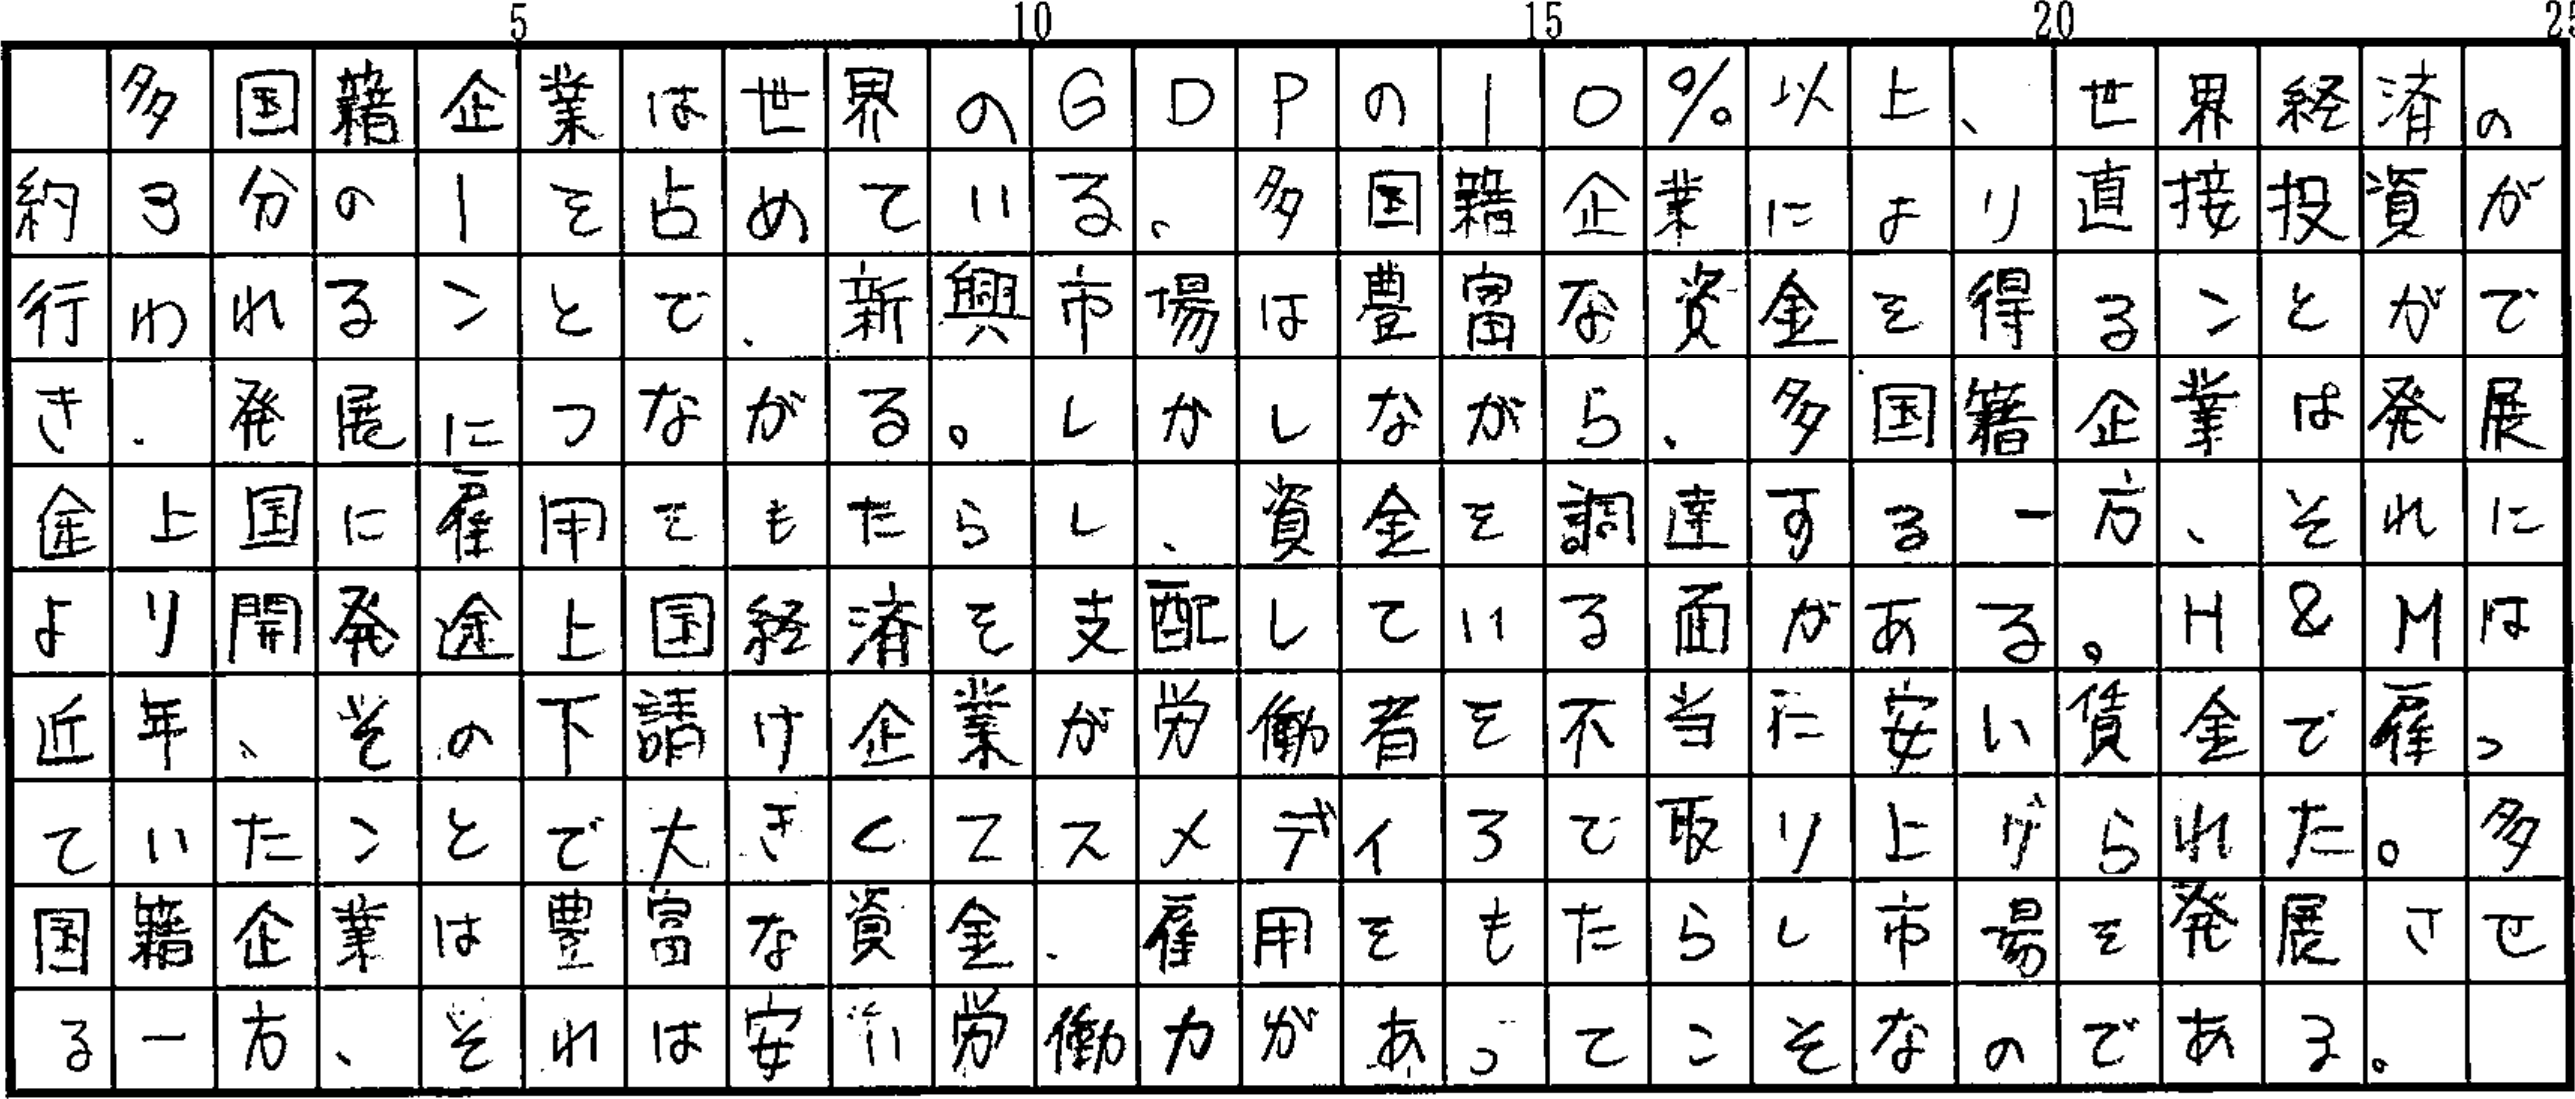　多国籍企業は世界のＧＤＰの１０％以上、世界経済の約３分の１を占めている。多国籍企業により直接投資が行われることで、新興市場は豊富な資金を得ることができ、発展につながる。しかしながら、多国籍企業は発展途上国に雇用をもたらし、資金を調達する一方、それにより開発途上国経済を支配している面がある。Ｈ＆Ｍは近年、その下請け企業が労働者を不当に安い賃金で雇っていたことで大きくマスメディアで取り上げられた。多国籍企業は豊富な資金、雇用をもたらし市場を発展させる一方、それは安い労働力があってこそなのである。
